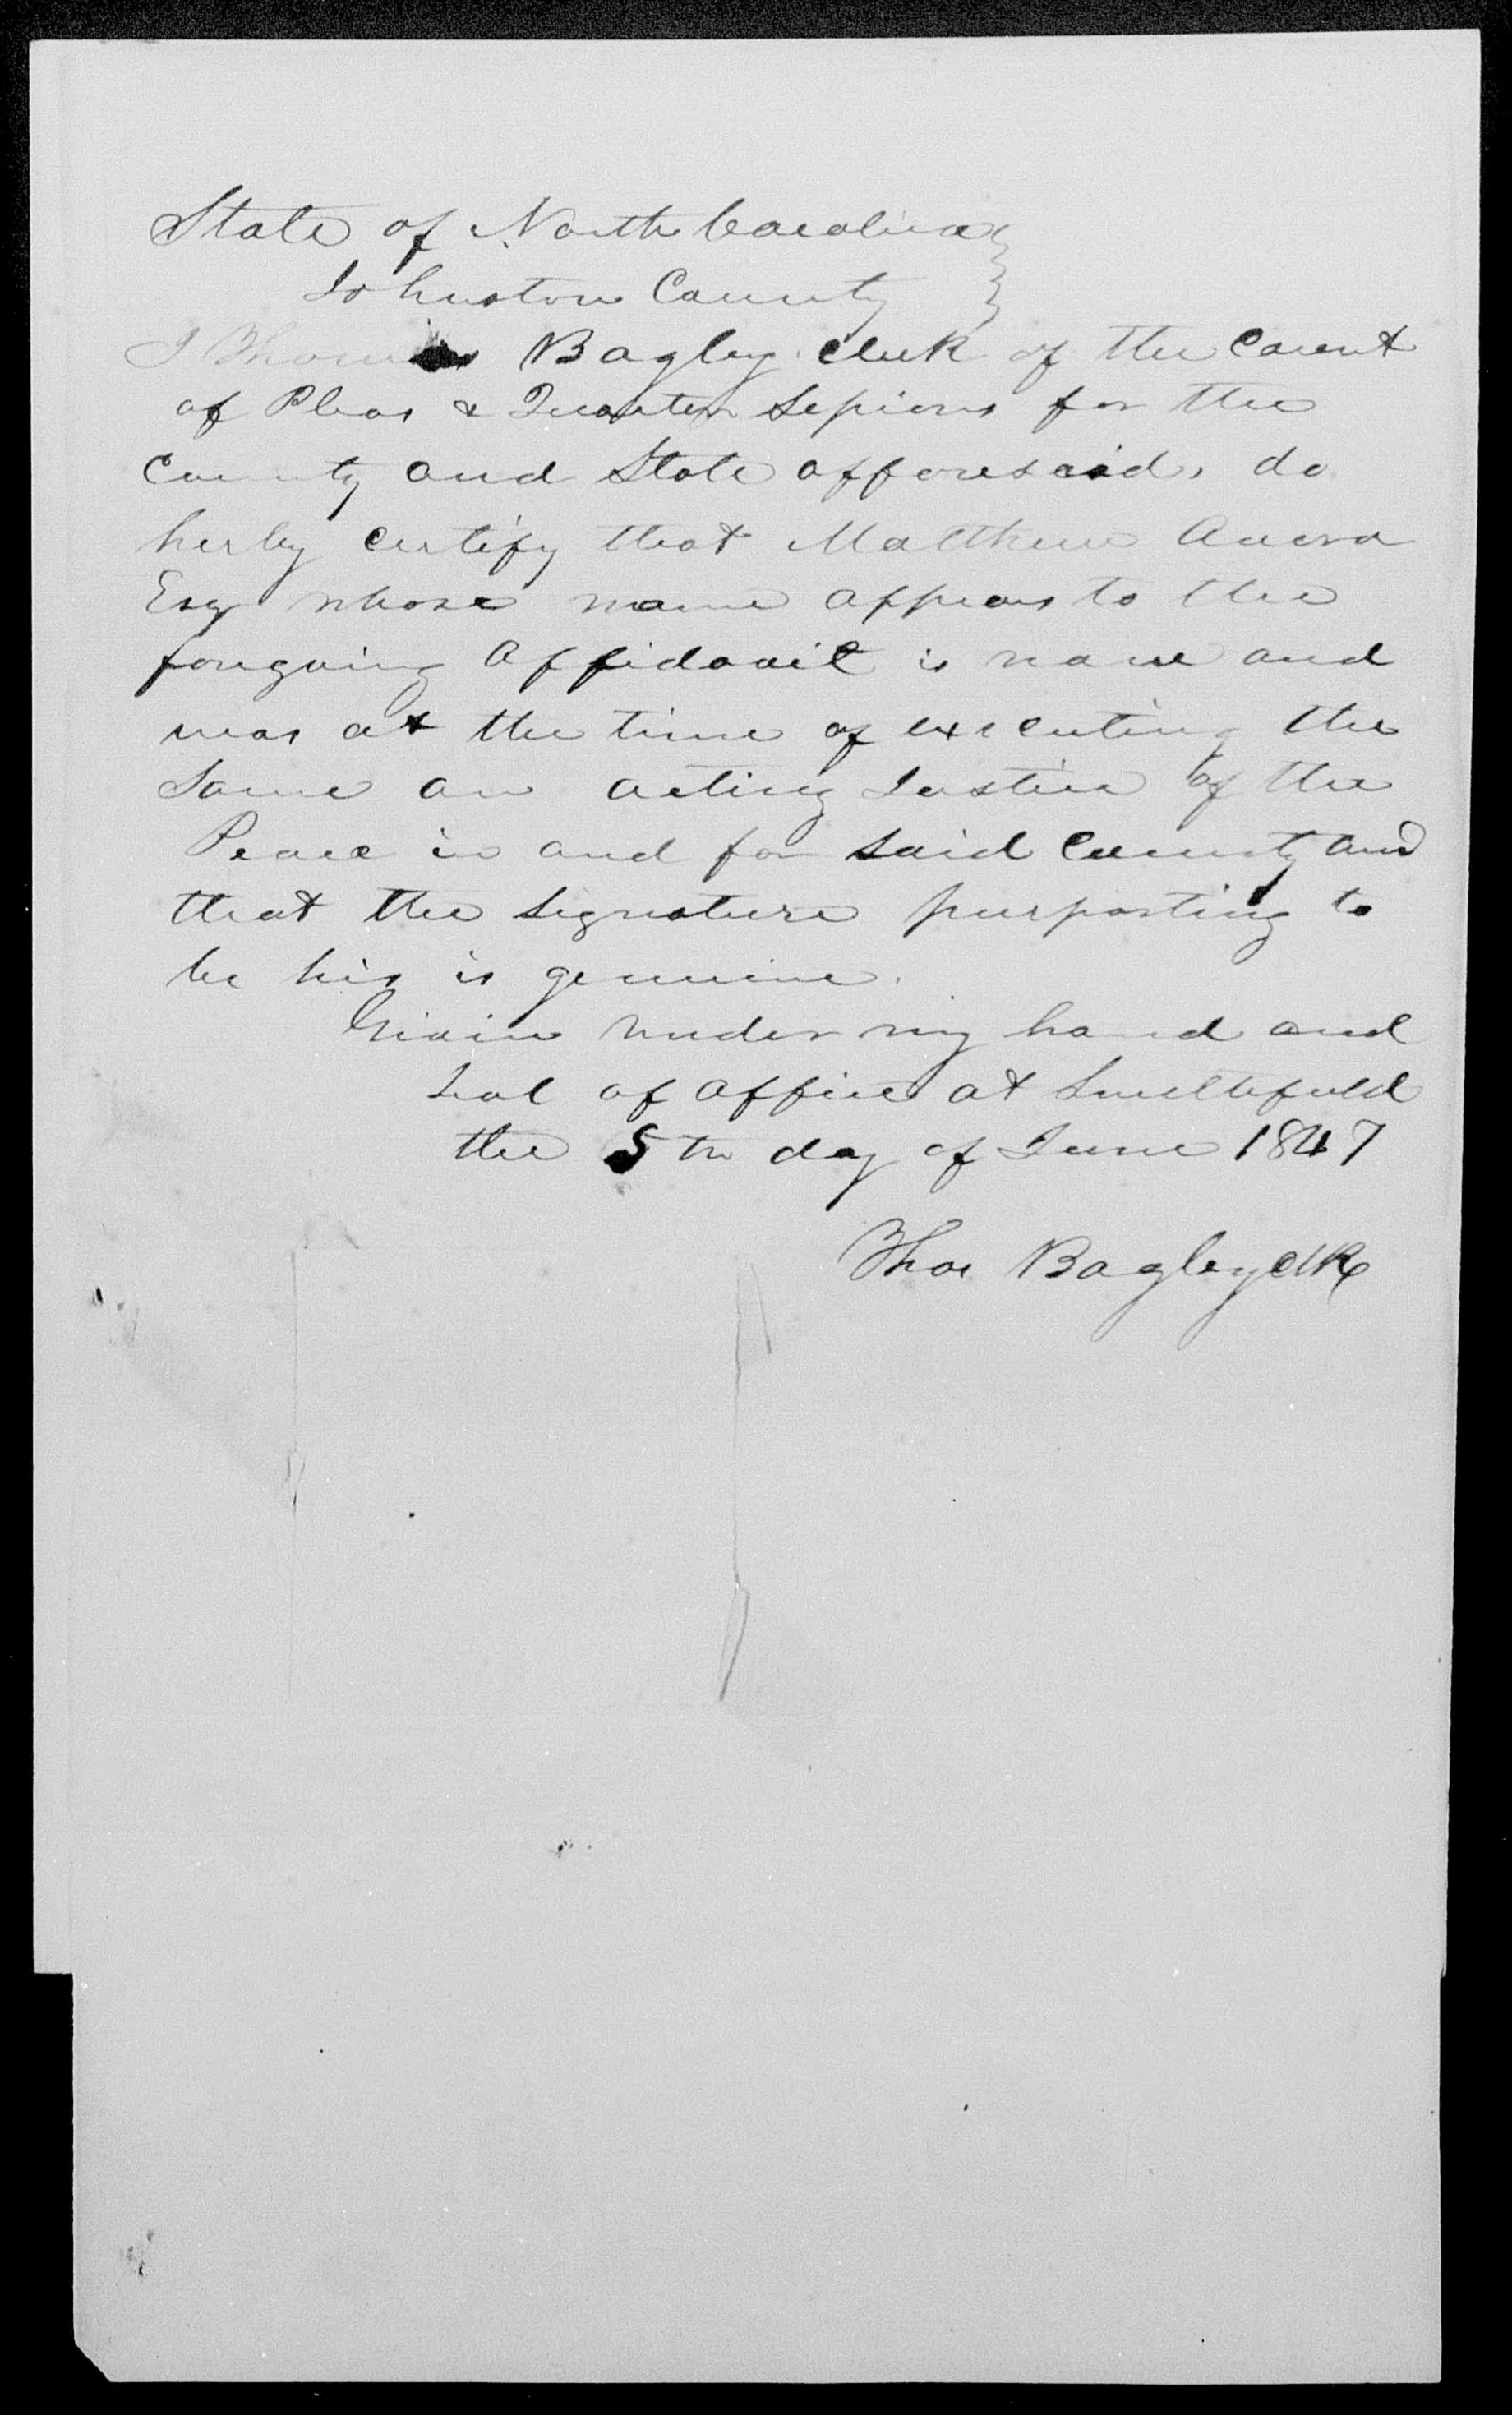State of North Carolina 
Johnston County}
I Thomas Bagley Clerk of the Court of Pleas and Quarter Sessions for the County and State aforesaid, do hereby certify that Matthew Aucra Esq. whose name appears to the foregoing affidavit is now and was at the time of executing the Same an acting Justice of the Peace in and fore Said County and that the Signature purporting to be his is genuine.  
Given under my hand and Seal of Office at Smithfield the 5th day of June 1847.
Thomas Bagley [seal]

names: Matthew Avera, Thomas Bagley, Thos Bagley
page: 11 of 15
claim: rejected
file: R. 3815, James Frost, N.C.